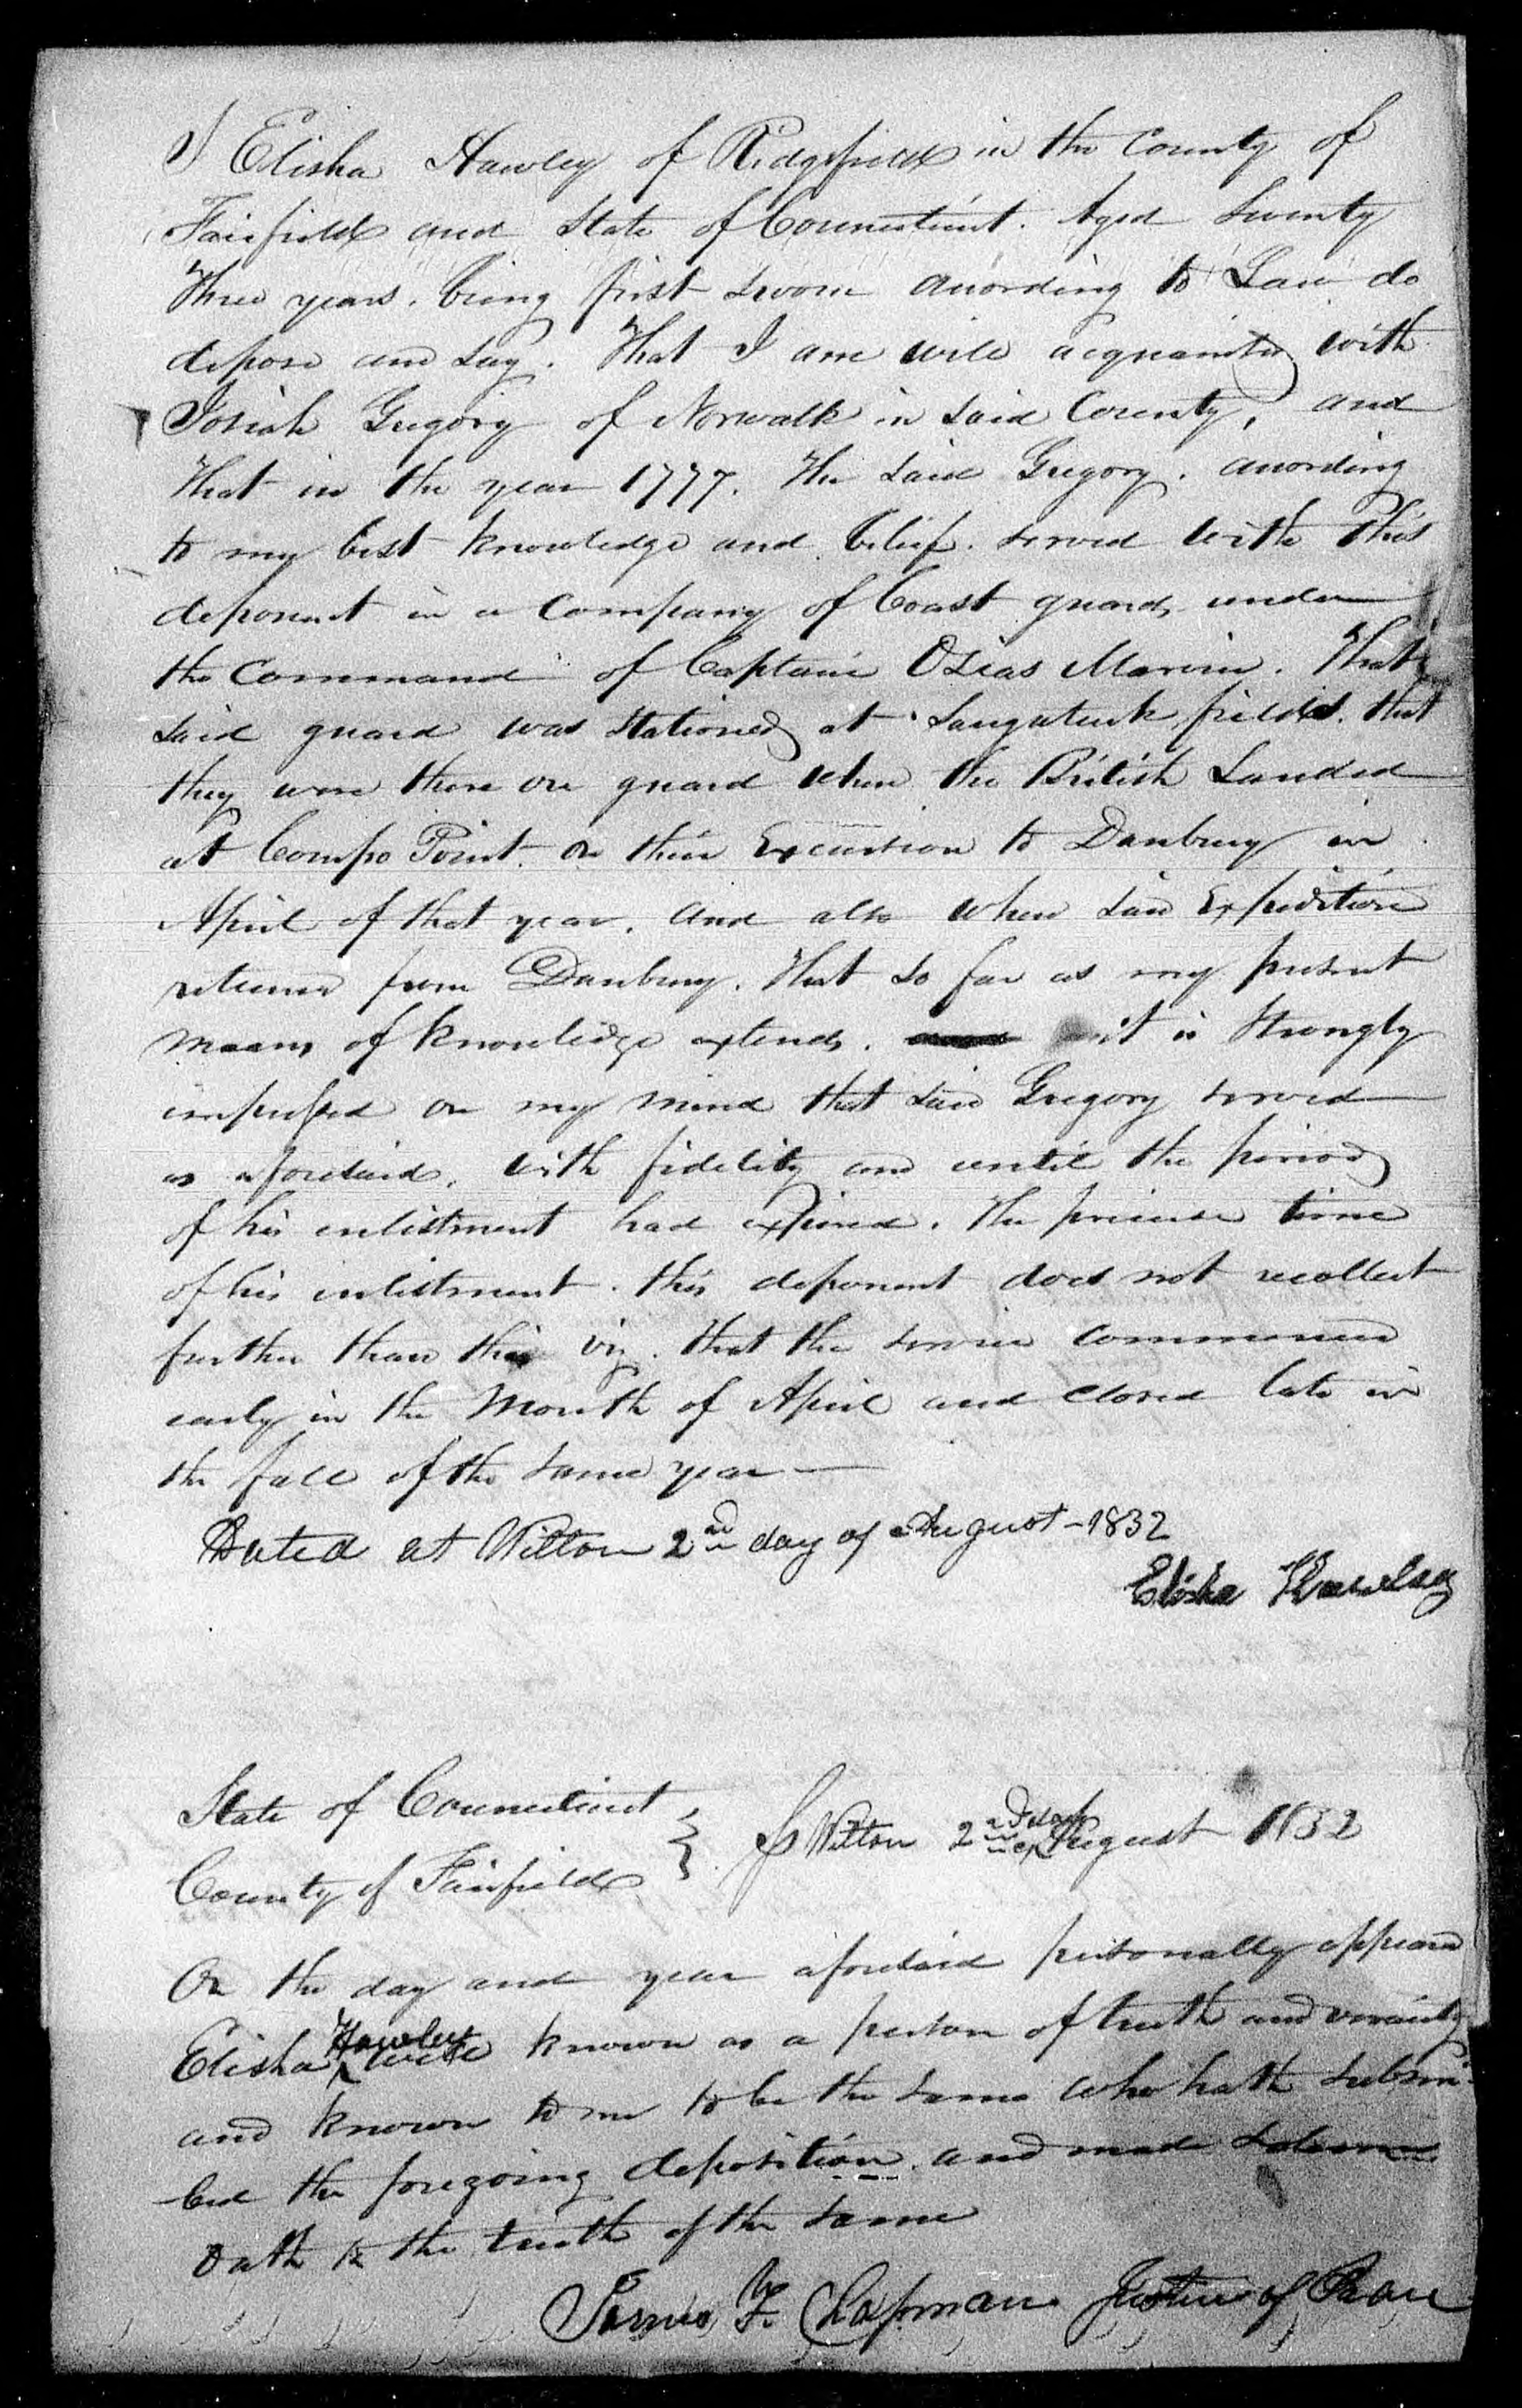I Elisha Hawley of Ridgefield in the County of
Fairfield and State of Connecticut Aged Seventy
Three years, being first sworn according to Law do
depose and say That I am well acquainted with
Josiah Gregory of Norwalk in said County, and
that in the year 1777 the said Gregory, according
to my best knowledge and belief served with this 
deponent in a company of coast guards under
the command of Captain Ozias Marvin that
said guard was stationed at Saugatuck [unsure] that
they were there on guard when the British Landed
at Compo Point on their Excurtion [sic]  to Danbury in
April of that year and also where said Excurtion
returned from Danbury. That so far as my present
[unsure] of knowledge extends, it is [unsure]
on my mind that said Gregory served
as aforesaid with fidelity and until the period
of his enlistment had expired. The precise time 
of his enlistment this deponent does not recollect further than this viz. that the Service commenced early in the month of April and closed late in the fall of the same year -
  Dated at Wilton  2nd day of August-1832
             [Signed] Elisha Hawley

State of Connecticut
County of Fairfield} Js Wilton 2nd day of 
            August 1832
On the day and year aforesaid personally appeared Elisha Hawley [last word inserted] well known as a person of truth and veracity 
and known to me to be the same who hath subscribed the foregoing deposition and made solemn oath to the truth of the same
   [Signed] James F. Chapman Justice of Peace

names: James F Chapman, Elisha Hawley, Gregory, Ozias Marvin, Josiah Gregory, Gregory, Elisha Hawley, Elisha Hawley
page: 8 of 49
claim: widow's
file: W 24308, Josiah Gregory, Conn.